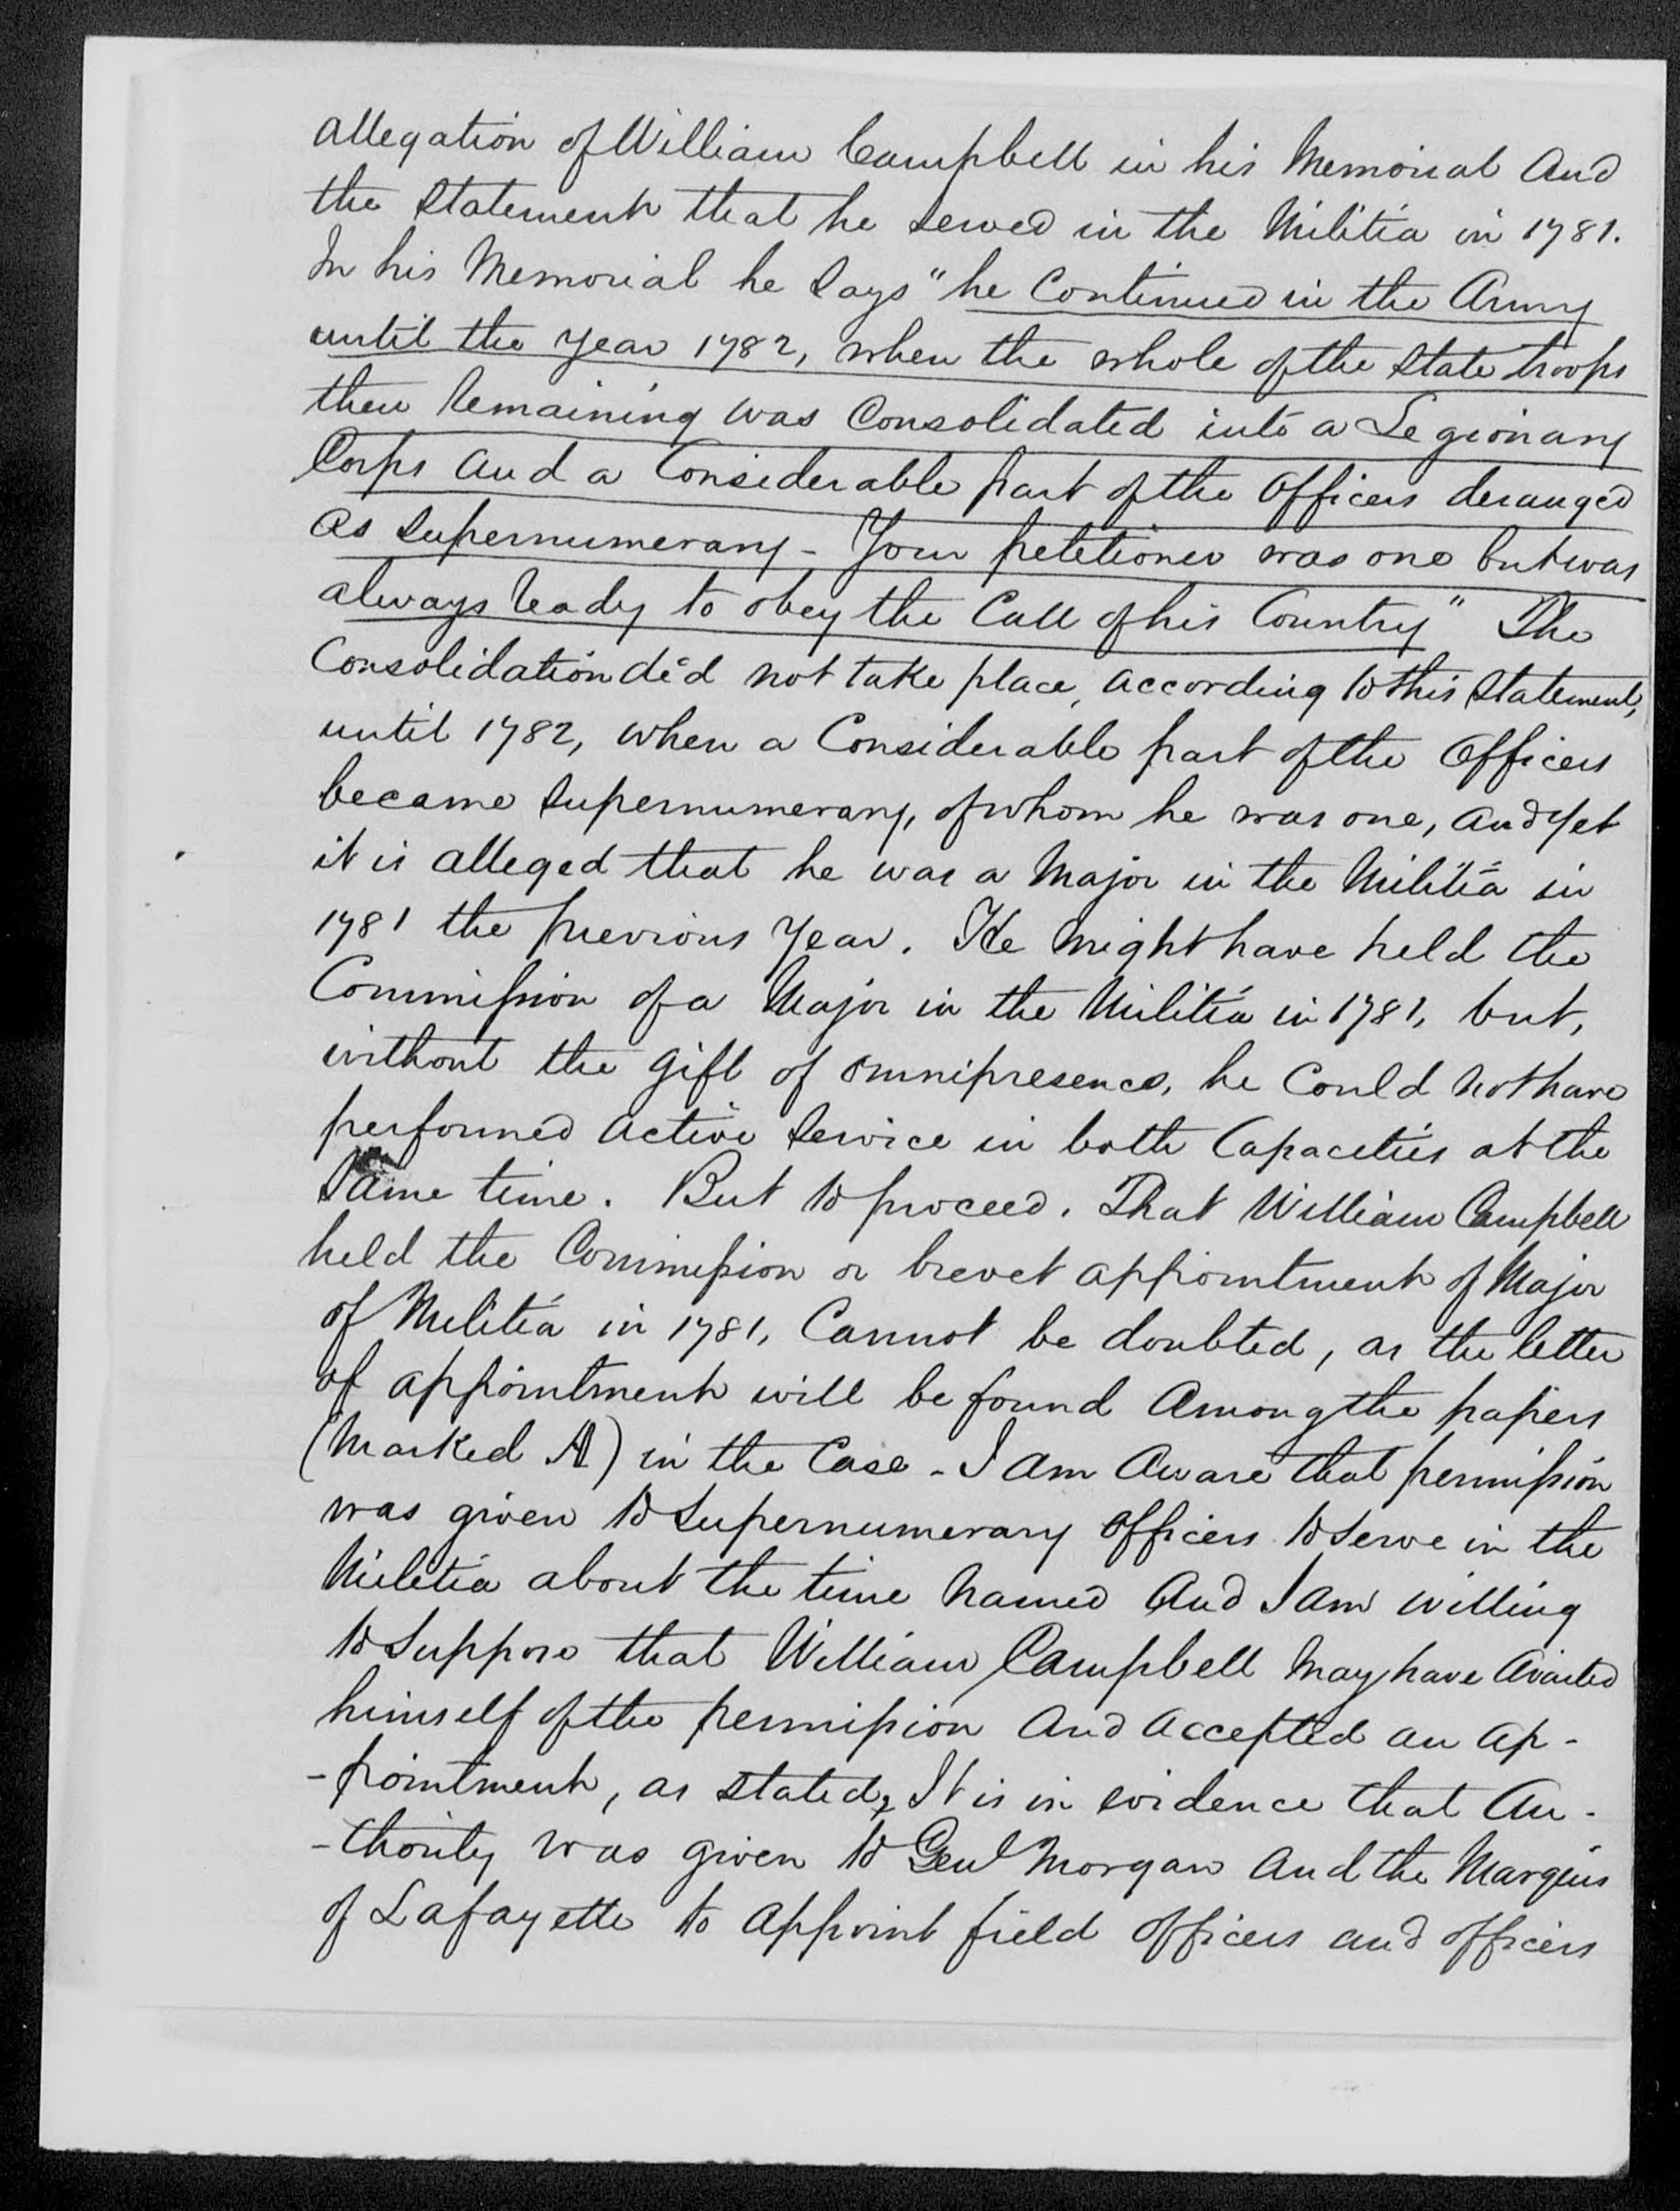Allegation of William Campbell in his Memorial And the statement that he served in the Militia in 1781. In his Memorial he says "he Continued in the Army until the year 1782, when the whole of the State troops then Remaining was Consolidated into a Legionary Corps and a Considerable part of the Officers deranged as Supernumerary. Your petition was one but was always ready to obey the Call of his Country" The Consolidation did not take place, according to this statement, until 1782, when a Considerable part of the Officers became Supernumerary, of whom he was one, and yet it is alleged that he was a Major in the Militia in 1781 the previous Year. He might have held the Commission of a Major in the Militia in 1781, but, without the gift of omnipresence, he Could not have performed Active Service in both Capacities at the same time. But to proceed, That William Campbell held the Commission or brevet appointment of Major of Militia in 1781, Cannot be doubted, as the letter of appointment will be found Among the papers (Marked A) in the Case - I am Aware that permission was given to Supernumerary Officers to serve in the Militia about the time named And I am willing to Suppose that William Campbell may have Availed himself of the permission And Accepted an Appointment, as stated, It is in evidence that Authority was given to Genl Morgan and the Marquis of Lafayette to Appoint field officers and officers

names: Morgan, William Campbell, William Campbell, William Campbell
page: 167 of 267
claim: widow's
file: W. 4,149, William Campbell, Va.